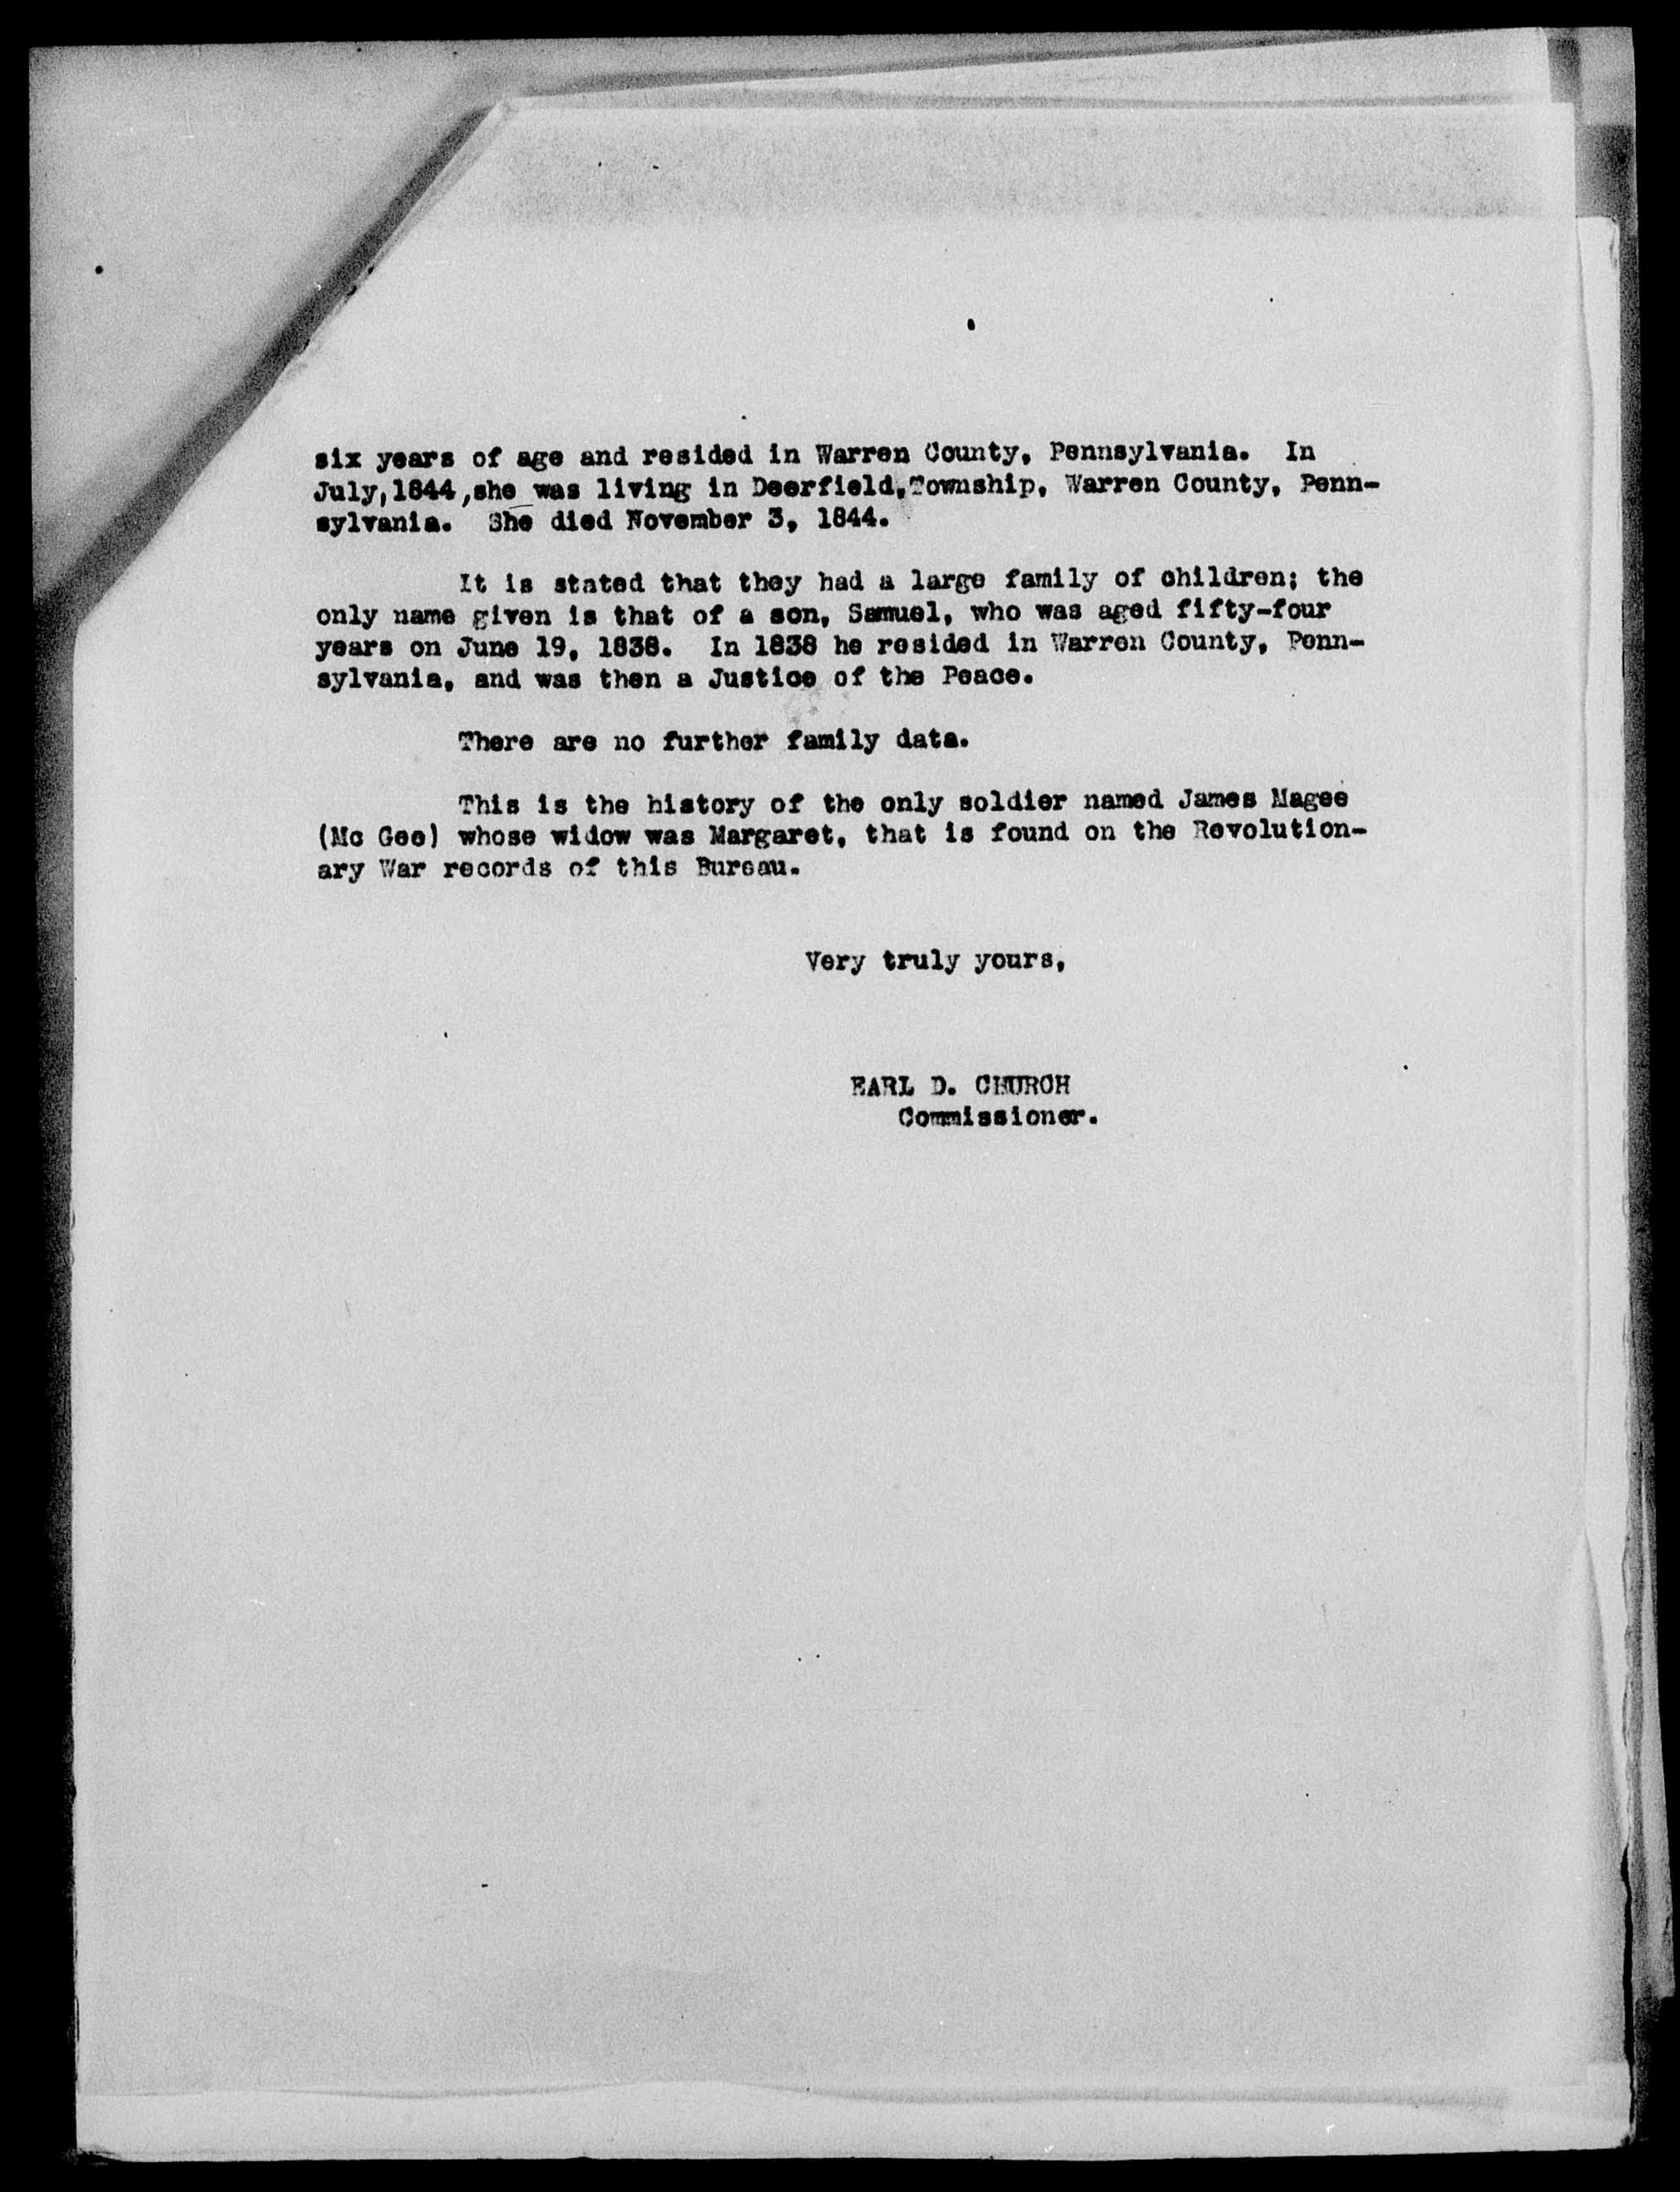six years of age and resided in Warren County, Pennsylvania. In July, 1844, she was living in Deerfield, Township, Warren County, Pennsylvania. She died November 3, 1844.

It is stated that they had a large family of children; the only name given is that of a son, Samuel, who was aged fifty-four years on June 19, 1838. In 1838 he resided in Warren County, Pennsylvania, and was then a Justice of the Peace.

There are no further family data.

This is the history of the only soldier named James Magee (Mc Gee) whose widow was Margaret, that is found on the Revolutionary War records of the Bureau.

Very truly yours,
EARL D. CHURCH
Commisioner.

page: 17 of 77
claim: widow's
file: W 2954, for James Mc Gee, Delaware